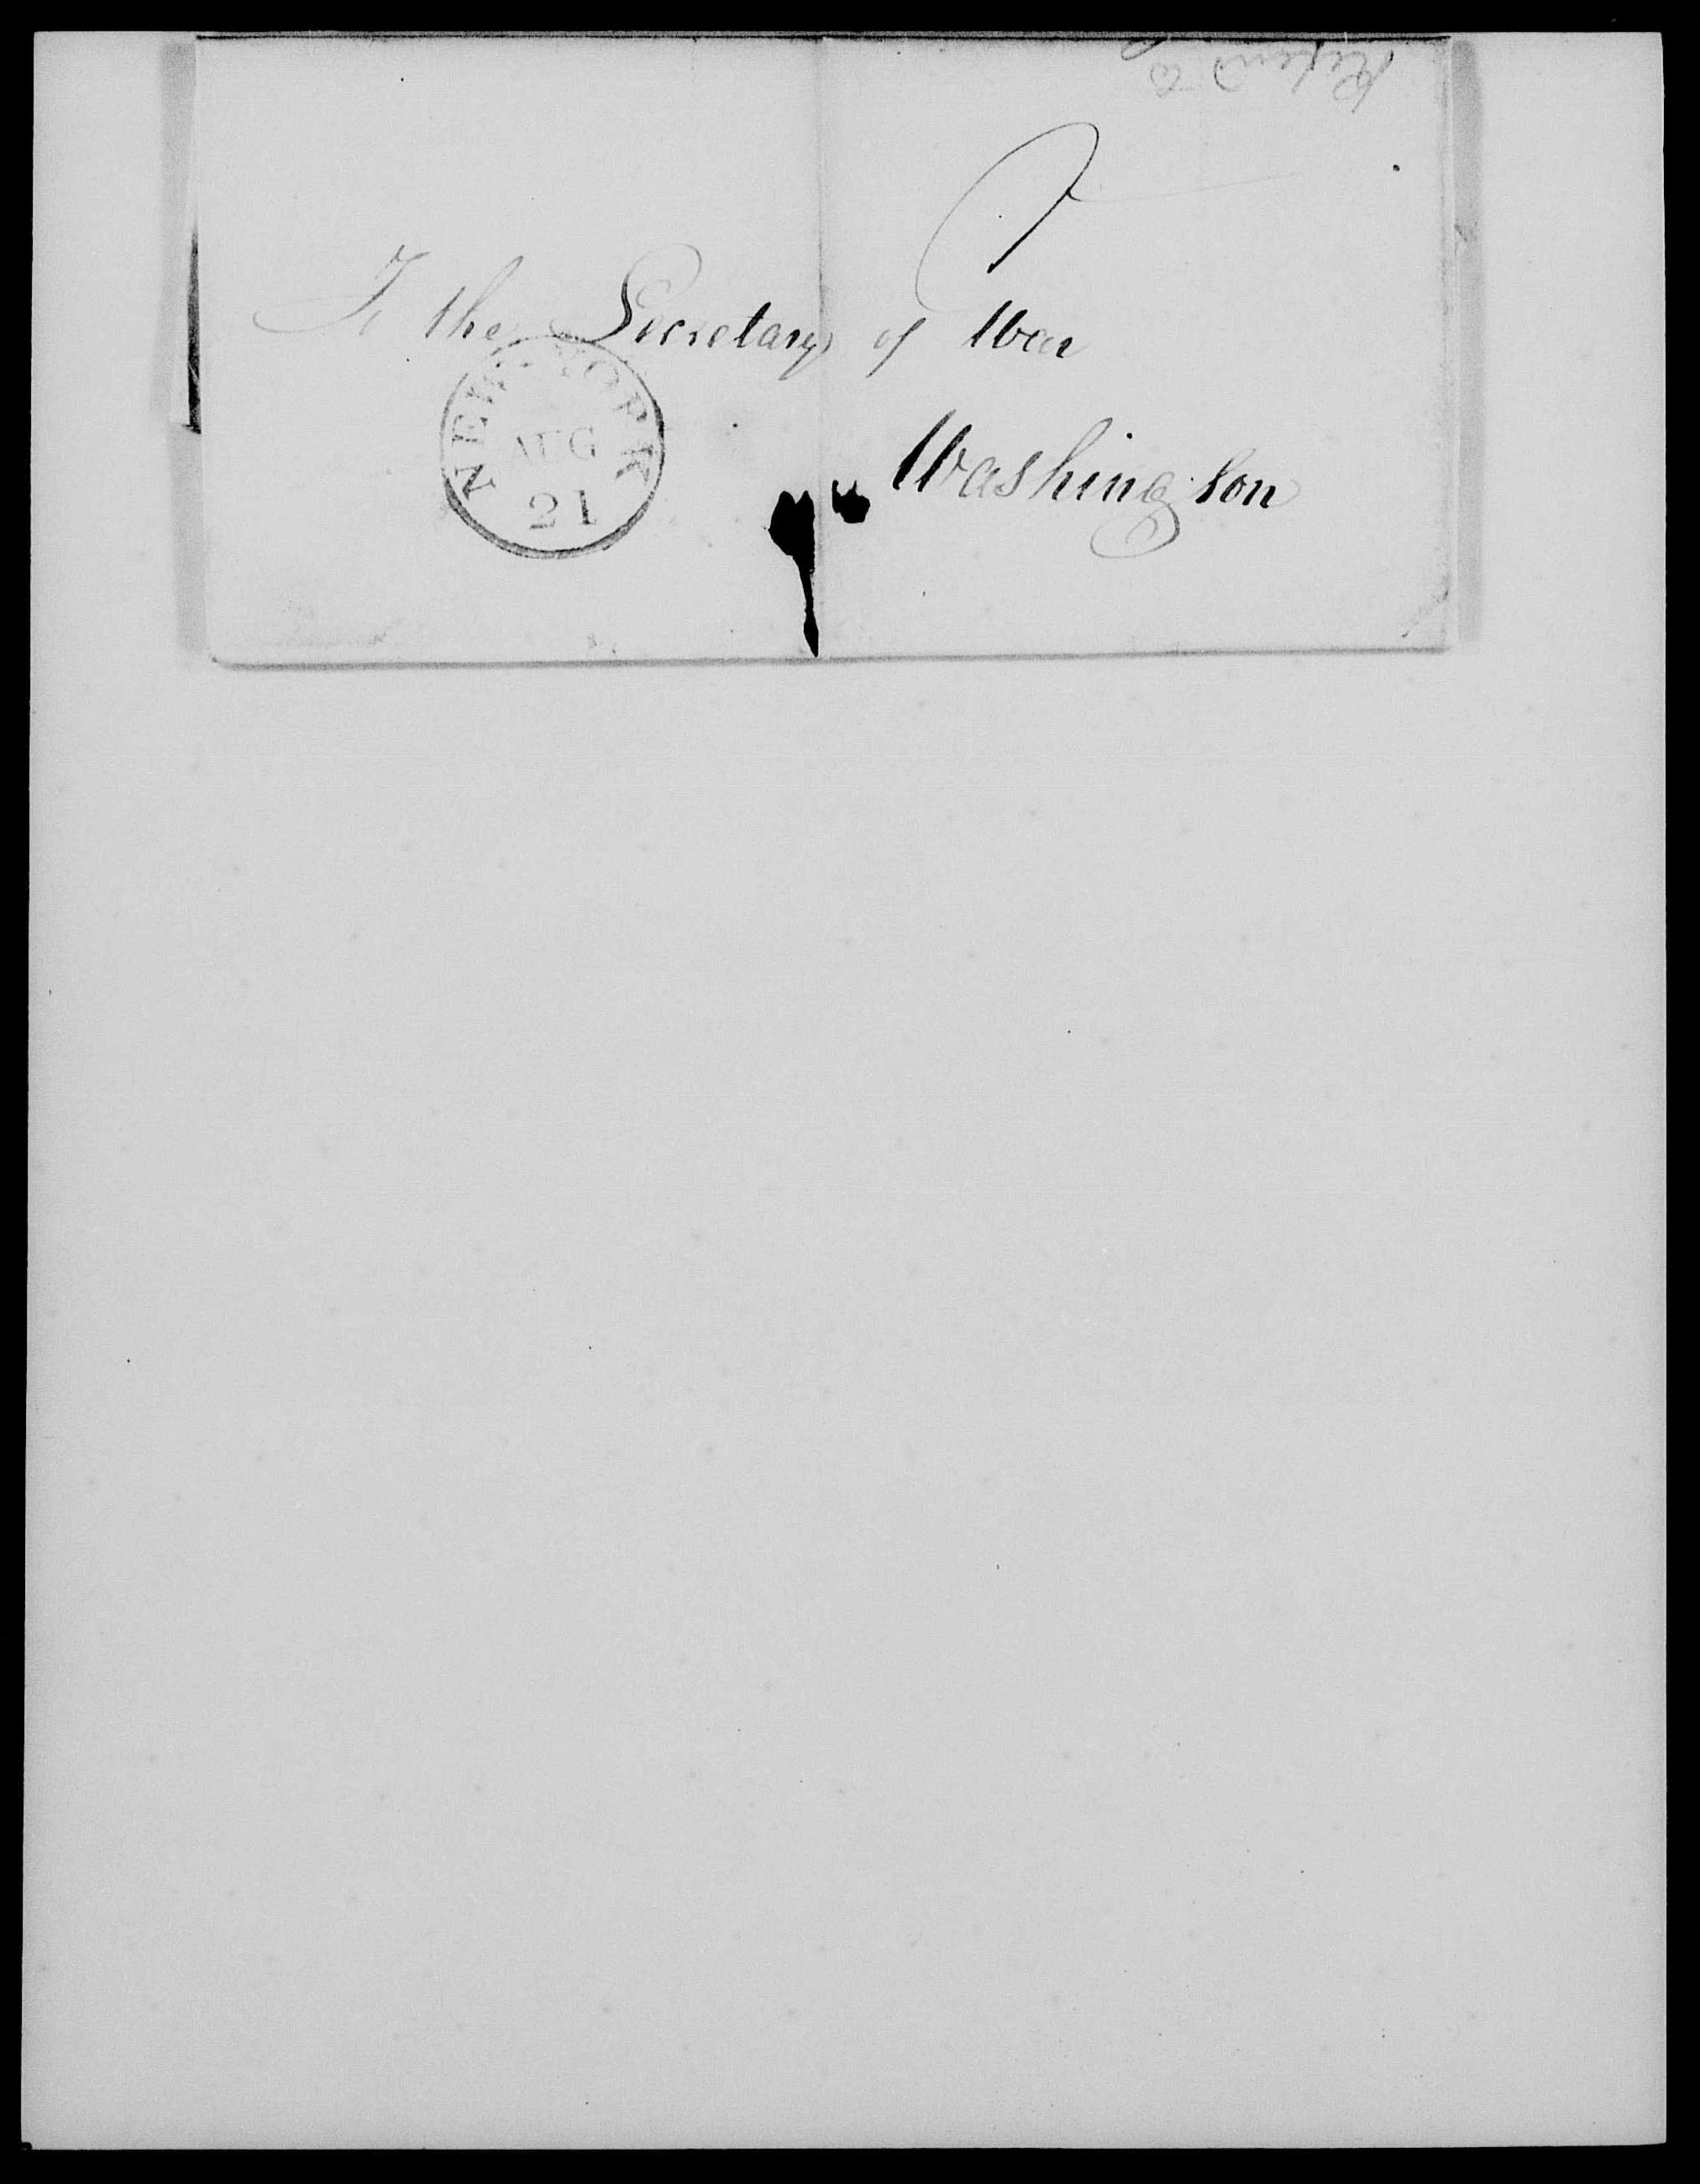To the Secretary of War

Washington

[stamp NEW YORK AUG 21]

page: 33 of 39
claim: survivor's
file: S. 23802, for James Miner, Connecticut